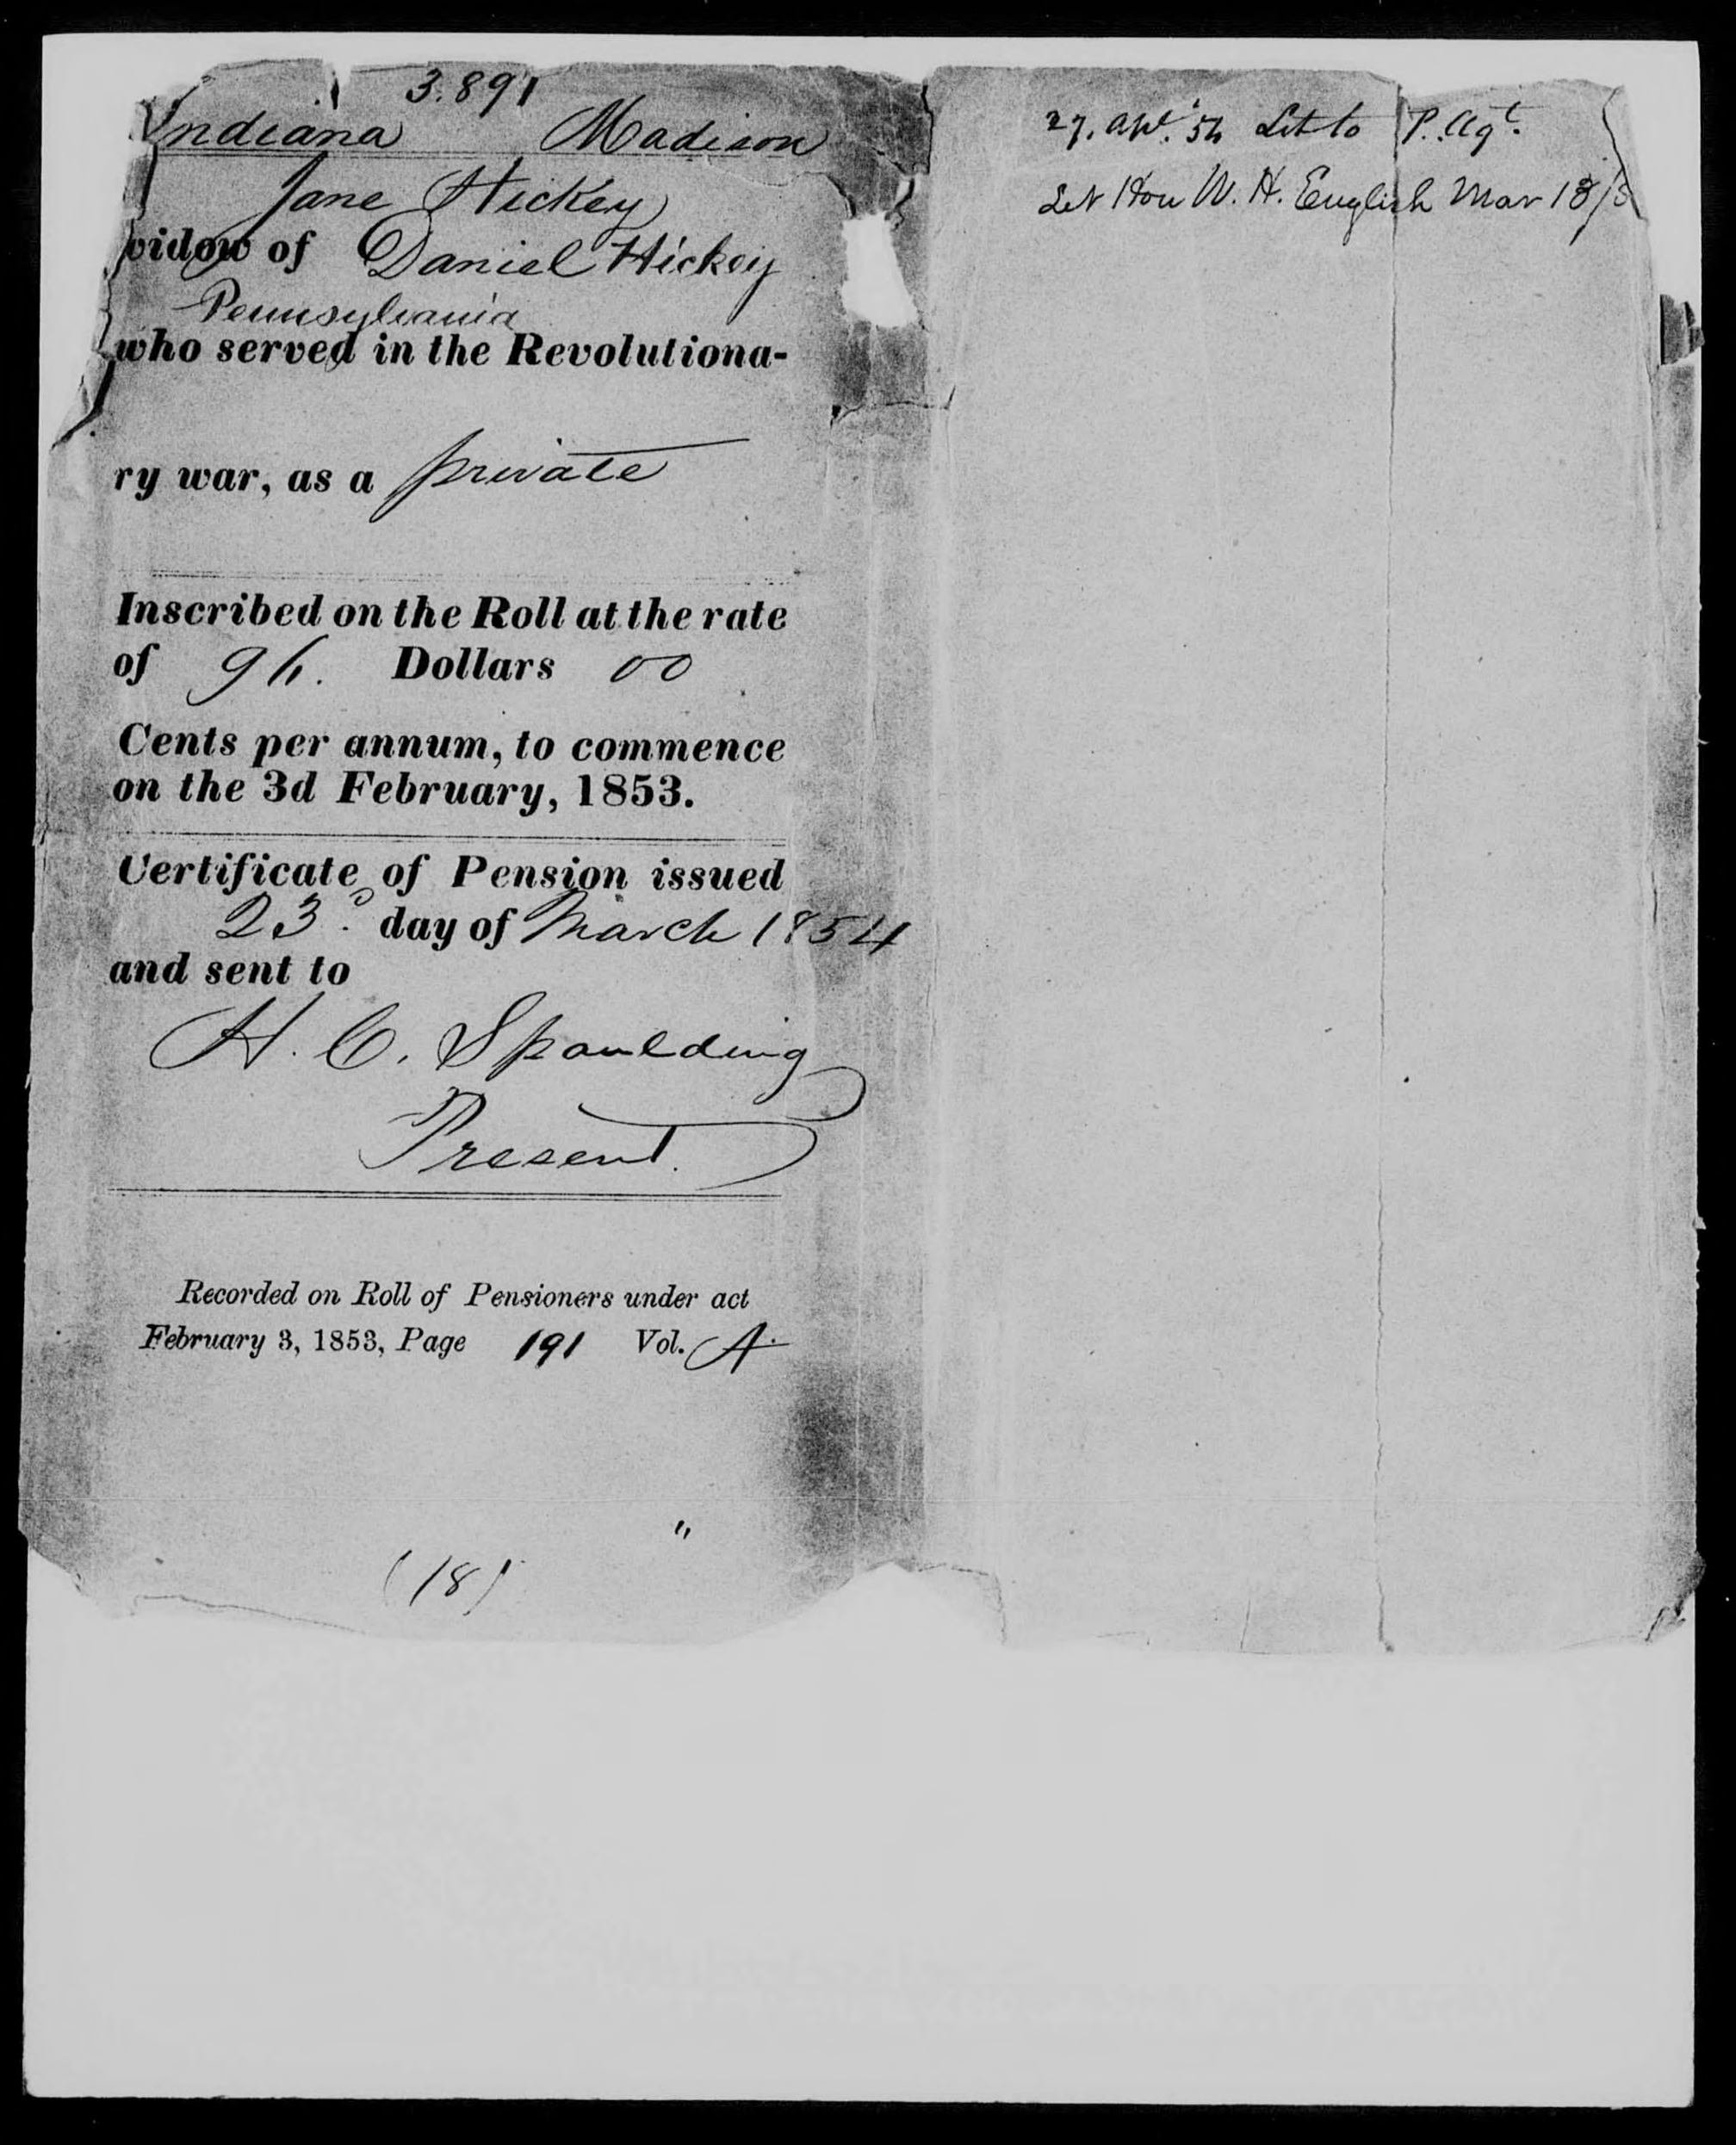[left-hand side of page]

3.891
Indiana
Madison
----------------------------
Jane Hickey,
widow of Daniel Hickey
Pennsylvania
who served in the Revolutionary war, as a private
----------------------------
Inscribed on the Roll at the rate of
96 Dollars 00 Cents per annum, to commence
on the 3d February, 1853.
----------------------------
Certificate of Pension issued
23d day of March 1854
and sent to
H. C. Spaulding
Present
----------------------------
Recorded on Roll of Pensioners under act
February 3, 1853, Page 191 Vol. A
(18)

[right-hand side of page]
27 Apl 54 Let to P. Agt
Let Hon W.H. English Mar 18/5[page folded - cannot read year]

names: Daniel Hickey, Jane Hickey, H C Spaulding, W H English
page: 2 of 84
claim: widow's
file: W. 7744, Daniel Hickey, Penn.